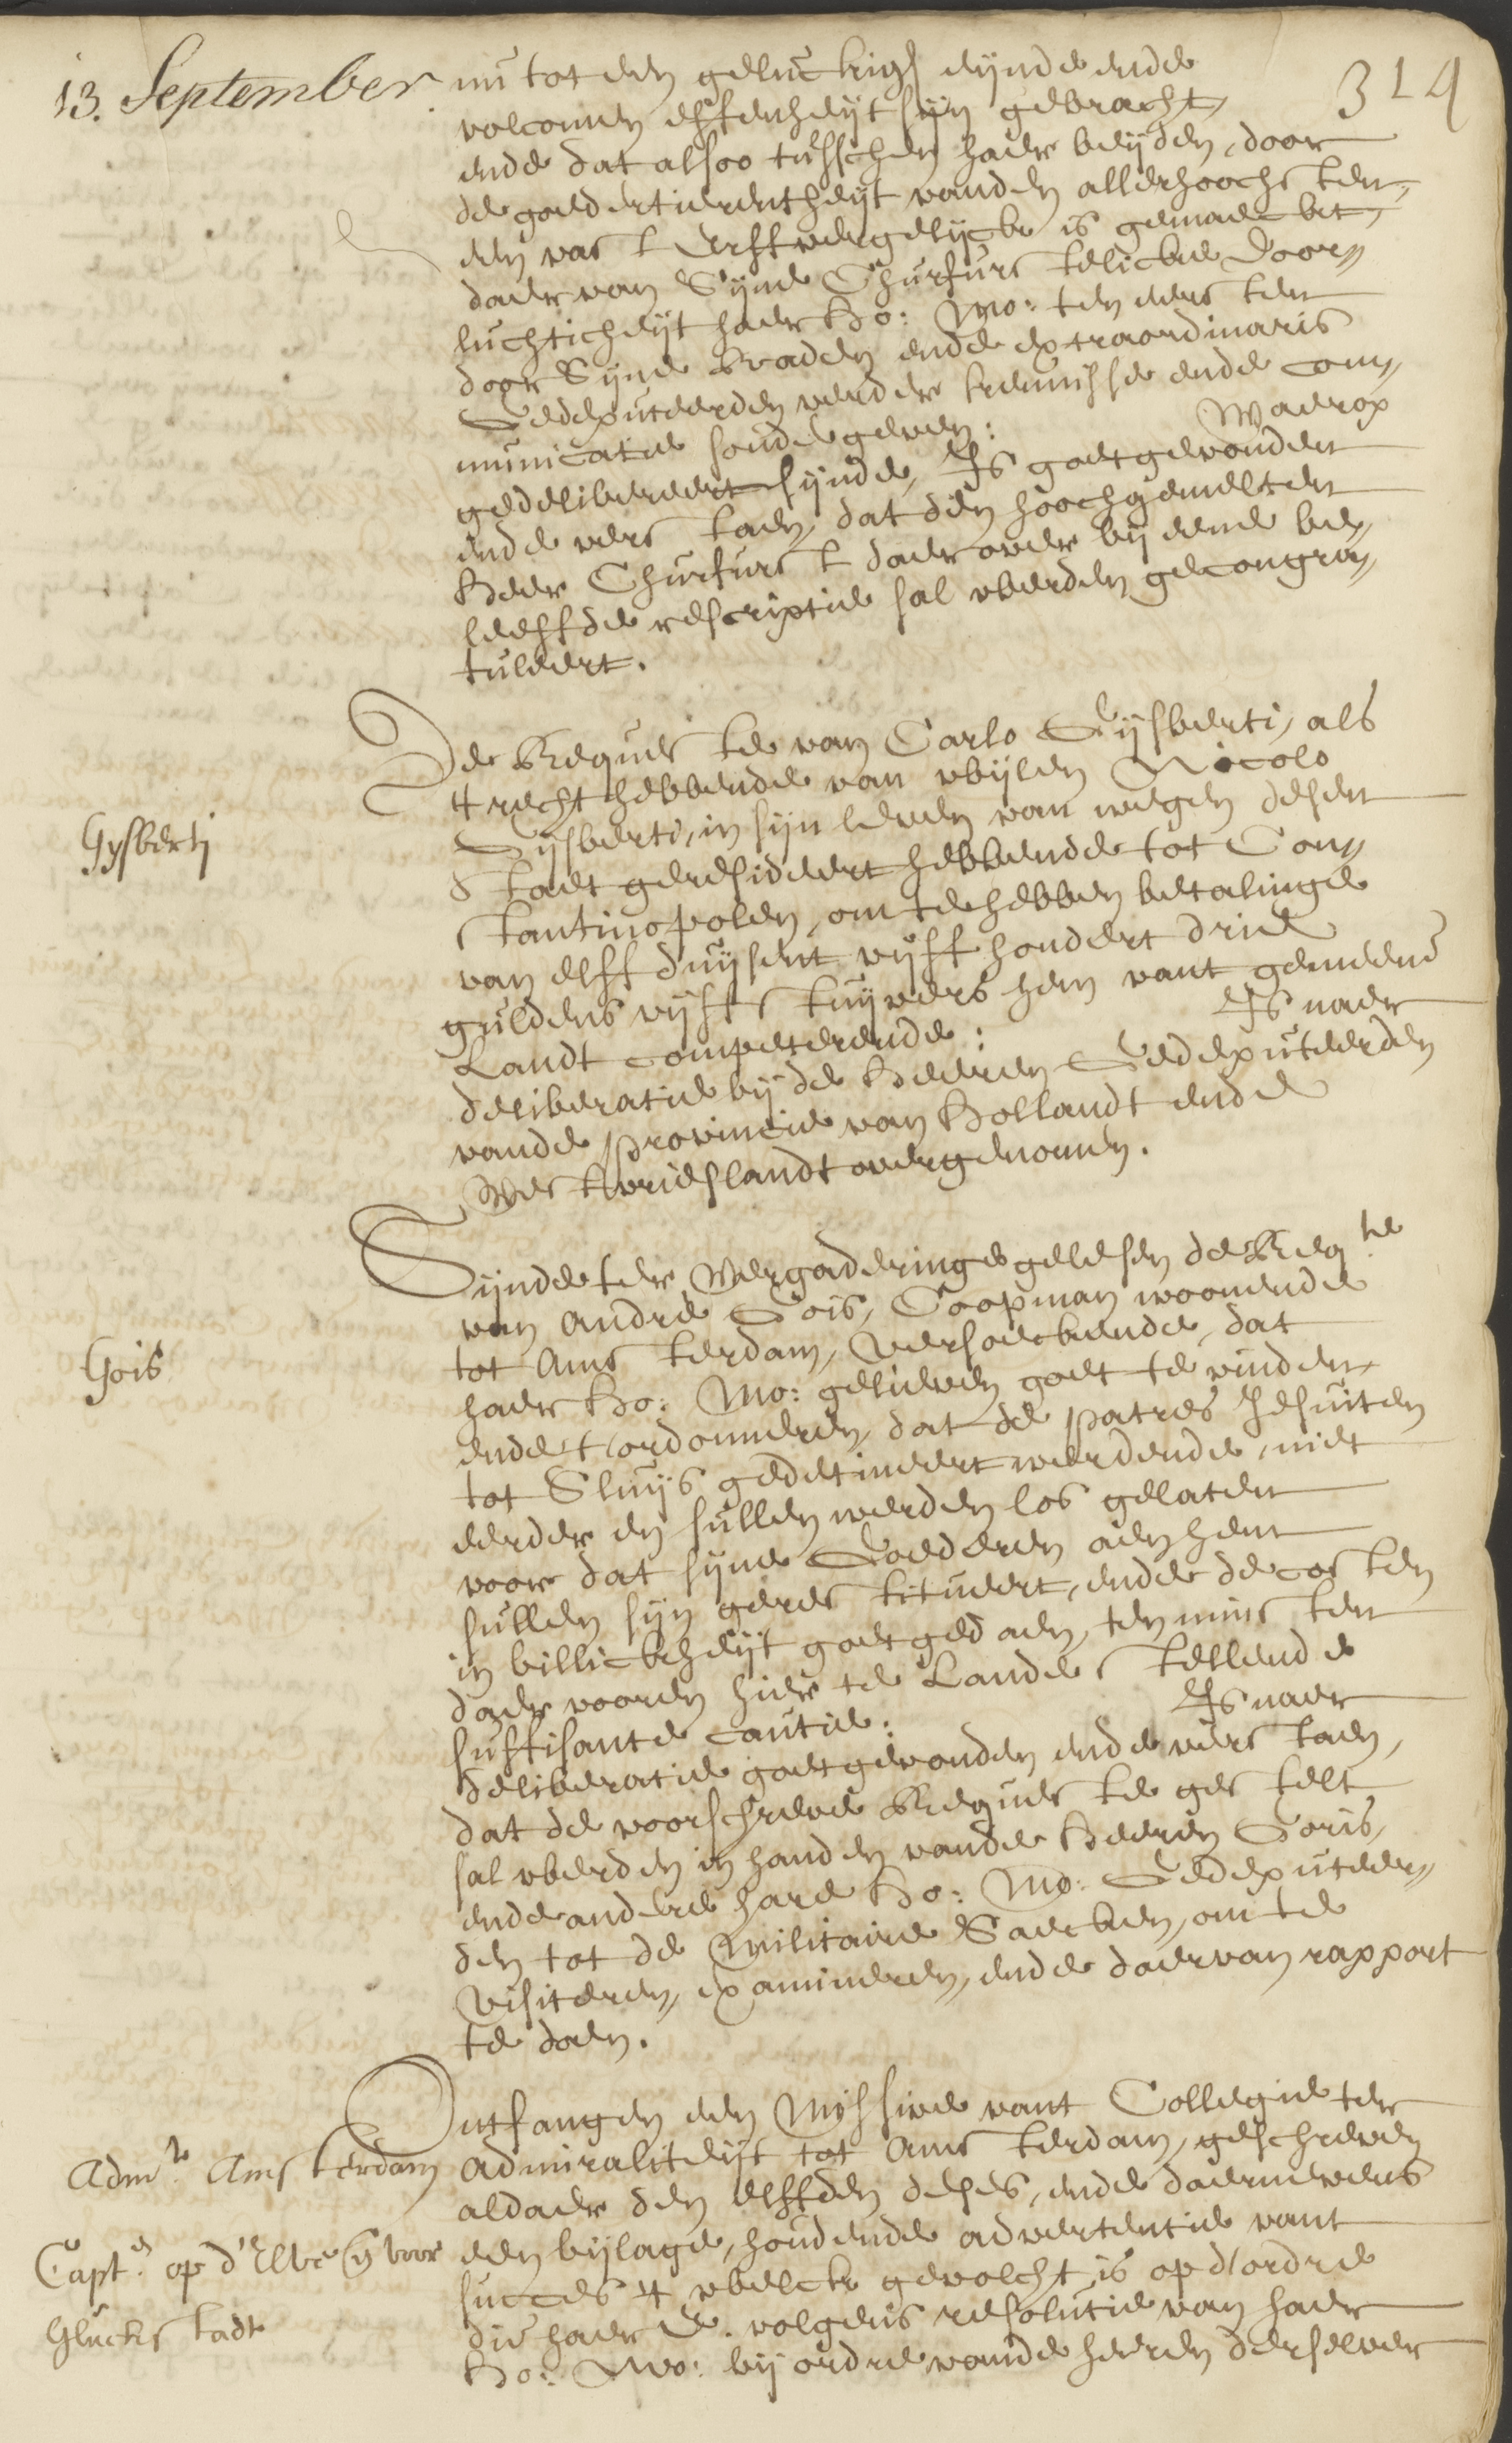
314
13. September.
nu tot een geluckigh eijnde ende
volcomen effenheijt sijn gebracht,
ende dat alsoo tusschen haer beijden, door
de goedertierentheijt vanden allerhoochsten,
een vast Erffvergelijck is gemaeckt
daer van Sijne Churfurstelicke Door,,
luchticheijt haer Ho:Mo: ten eersten
door Sijne Raden ende extraordinaris
Gedeputeerden verder kennisse ende com„
municatie soude geven: Waerop
gedelibereert sijnde, Is goetgevonden
ende verstaen, dat den hoochgemelten
Heer Churfurst daerover bij eene be„,
leeffde rescriptie sal werden gecongra,,
tuleert.
Gysberti
De Requeste van Carlo Gijsberti, als
't recht hebbende van wijlen Nicolo
Gijsberti, in sijn leven van wegen desen
Staet geresideert hebbende tot Con„
stantinopolen, om te hebben betalinge
van elffduijsent vijff hondert drie
guldens vijff stuijvers hem vant gemeene
Landt competerende: Is naer
deliberatie bij de Heeren Gedeputeerden
vande provincie van Hollandt ende
Westvrieslandt overgenomen.
Gois
Sijnde ter Vergaderinge gelesen de Reqte.
van Andrè Gois, Coopman woonende
tot Amsterdam, versoeckende, dat
haer Ho:Mo: gelieven goet te vinden,
ende t‛ordonneren, dat de patres Jesuiten
tot Sluijs gedetineert werdende, niet
eerder en sullen werden los gelaten
voor dat sijne Goederen aen hem
sullen sijn gerestitueert, ende de costen
in billickheijt goetgedaen, ten minsten
daer vooren hier te Lande stellende
suffisante cautie: Is naer
deliberatie goetgevonden ende verstaen,
dat de voorschreve Requeste gestelt
al werden in handen vande Heeren Goris,
ende andere hare Ho:Mo: Gedeputeer„
den tot de Militaire Saecken, om te
visiteren, examineren, ende daervan rapport
te doen.
Admt. Amsterdam
Captn. op d' Elbe en voor
Gluckstadt
Ontfangen een Missive vant Collegie ter
Admiraliteijt tot Amsterdam, geschreven
aldaer den elffden deses, ende daernevens
een bijlage, houdende advertentie vant
succes ‛t welck gevolcht is op d‛ordre
die haer E. volgens resolutie van haer
Ho:Mo: bij ordre vande heeren derselver
